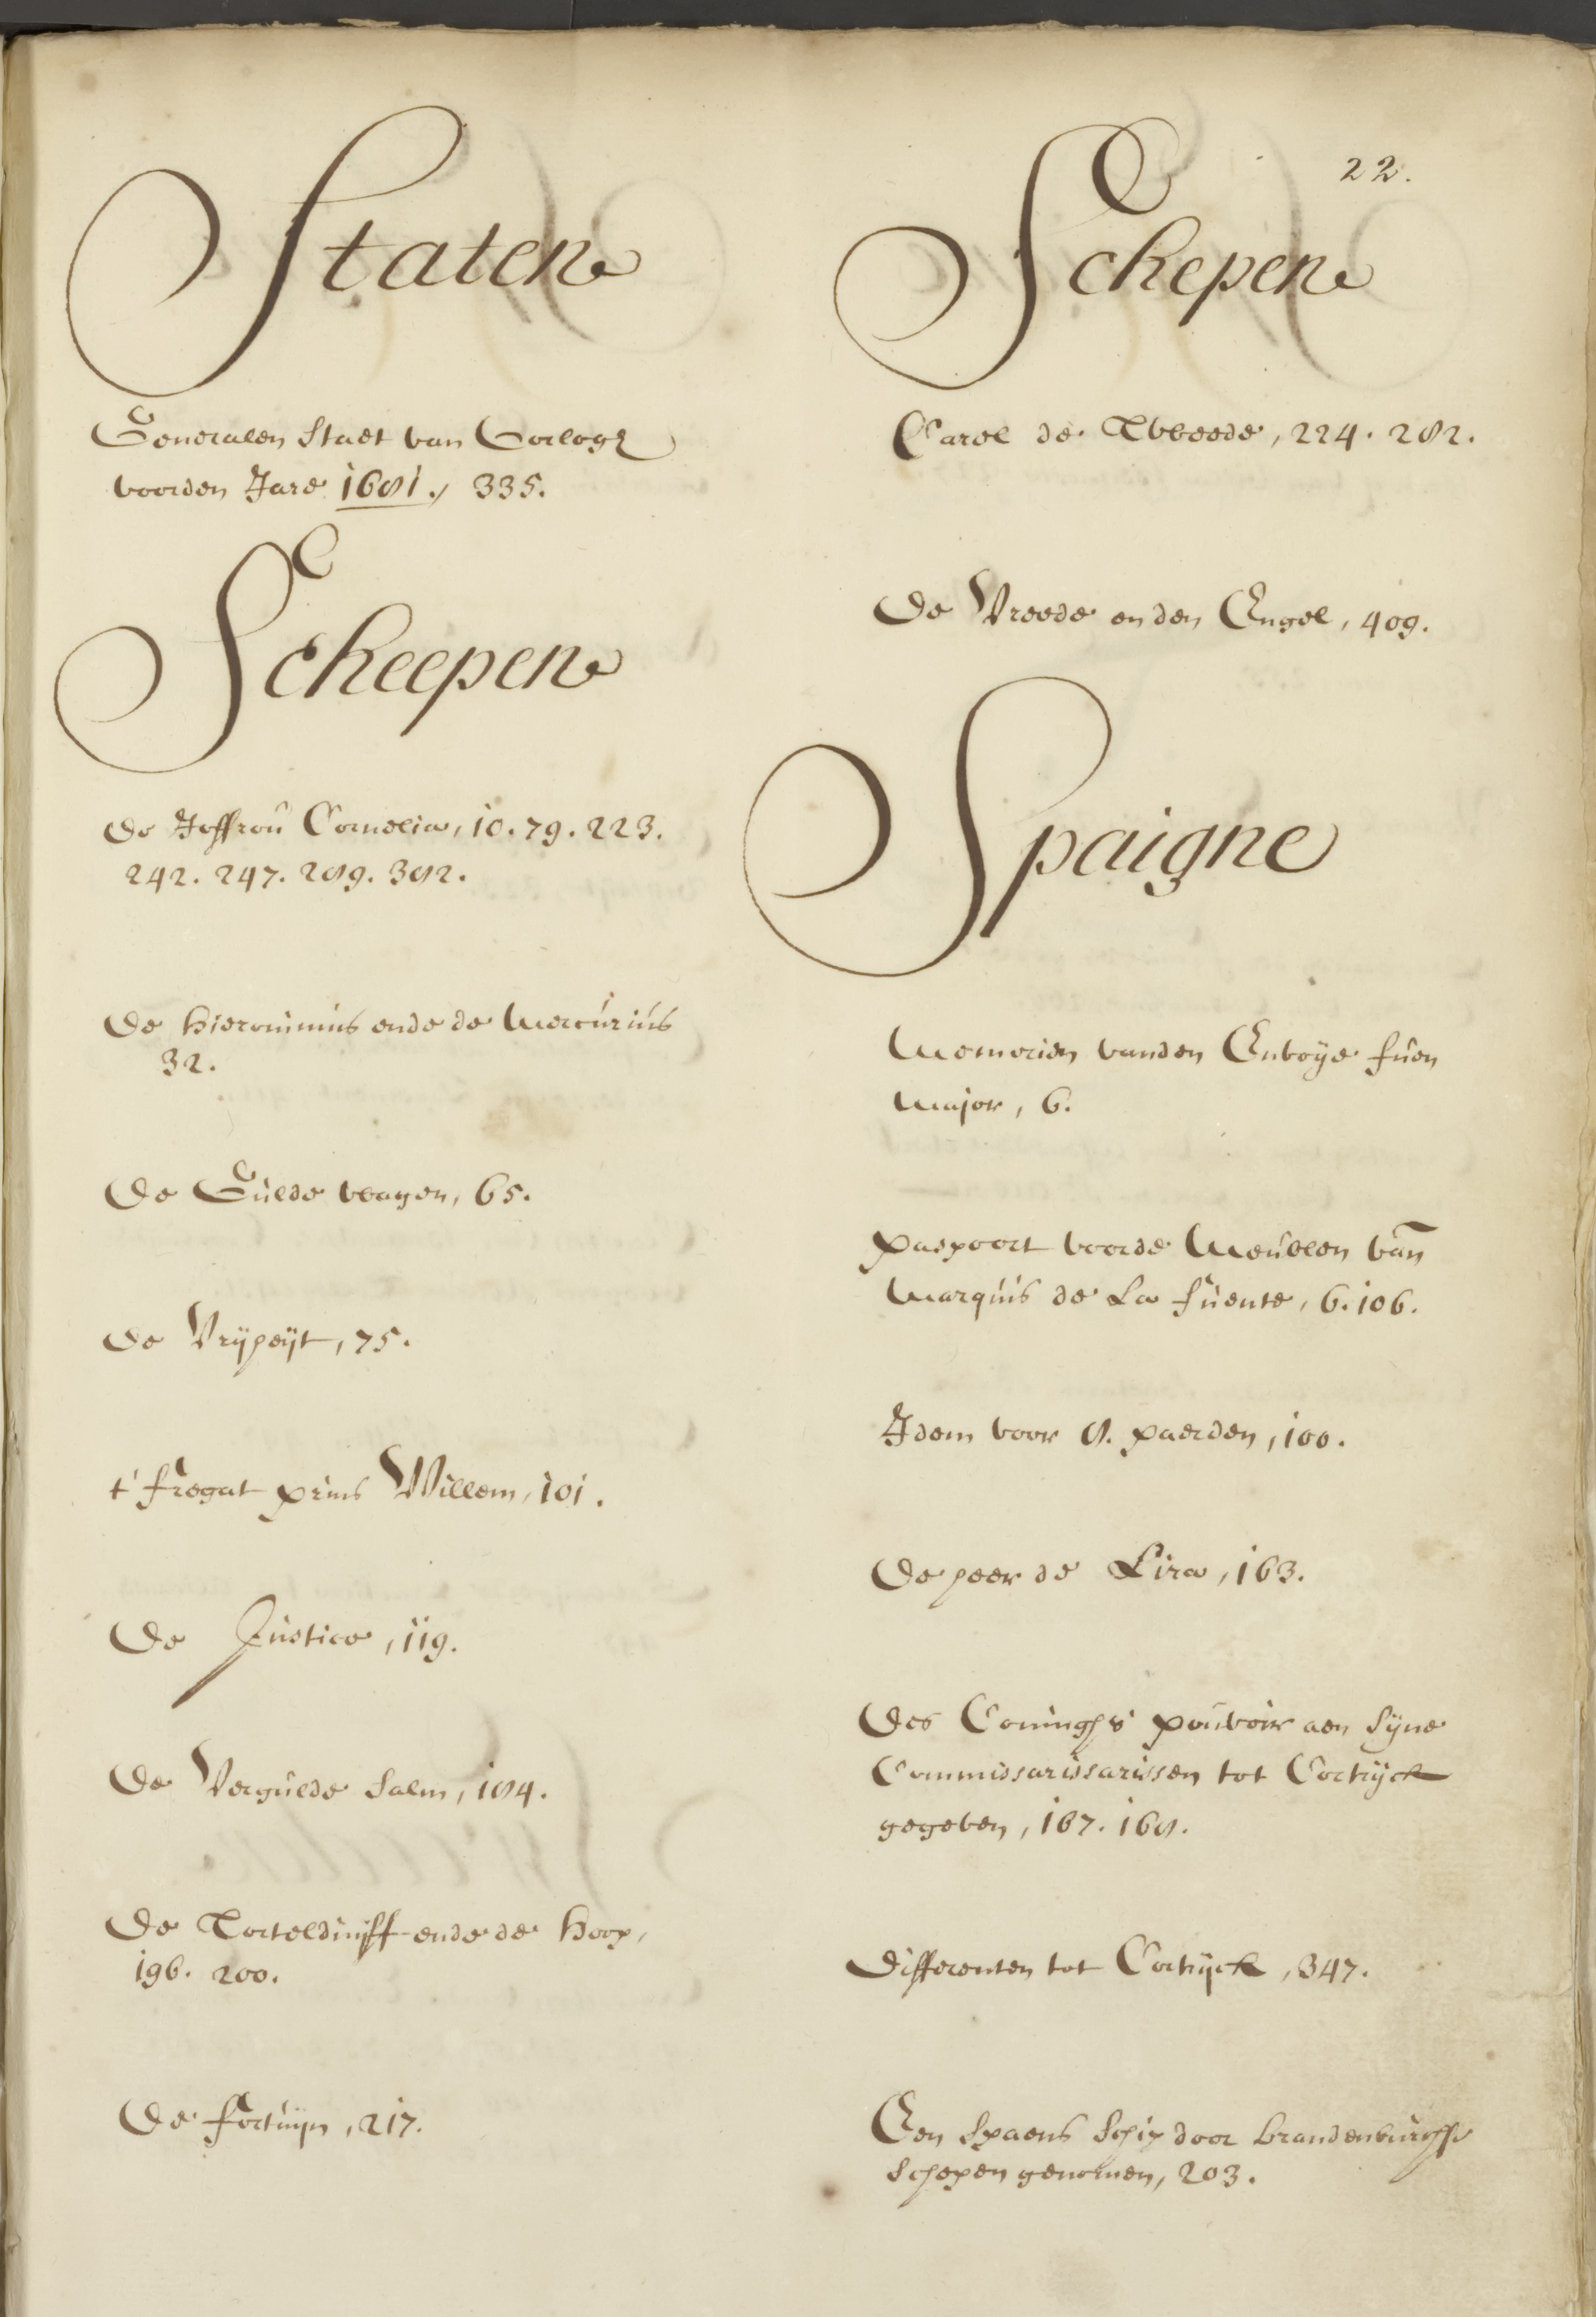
22.
Staten
Generalen Staet van Oorlogh
voorden Jare 1681, 335.
Scheepen
De Joffrou Cornelia, 16, 79, 223.
242, 247, 289, 382.
De Hieroimus ende de Mercurius
32.
De Gulde wagen, 65.
De Vrijheijt, 75.
t' Fregat prins Willem, 101.
De Justice, 119.
De Vergulde Salm, 184.
De Tortelduijff ende de Hoop„
196, 200.
De Fortuijn, 217.
Schepen
Carel de Tweede, 224, 282.
De Vreede om den Engel, 409.
Spaigne
memorien vanden Envoijé fuen
major, 6.
paspoort voorde Meublen van
Marquis de La Fuente, 6. 106.
Idem voor 8. paerden, 100.
De heer de Lira, 163.
Des Coninghs pouvoir aen sijne
commissarissarssen tot Cortrijck
gegeven, 167, 168.
Differenten tot Cortrijck, 347.
Een Spaens schip door Brandenburchse
Schepen genomen, 203.
